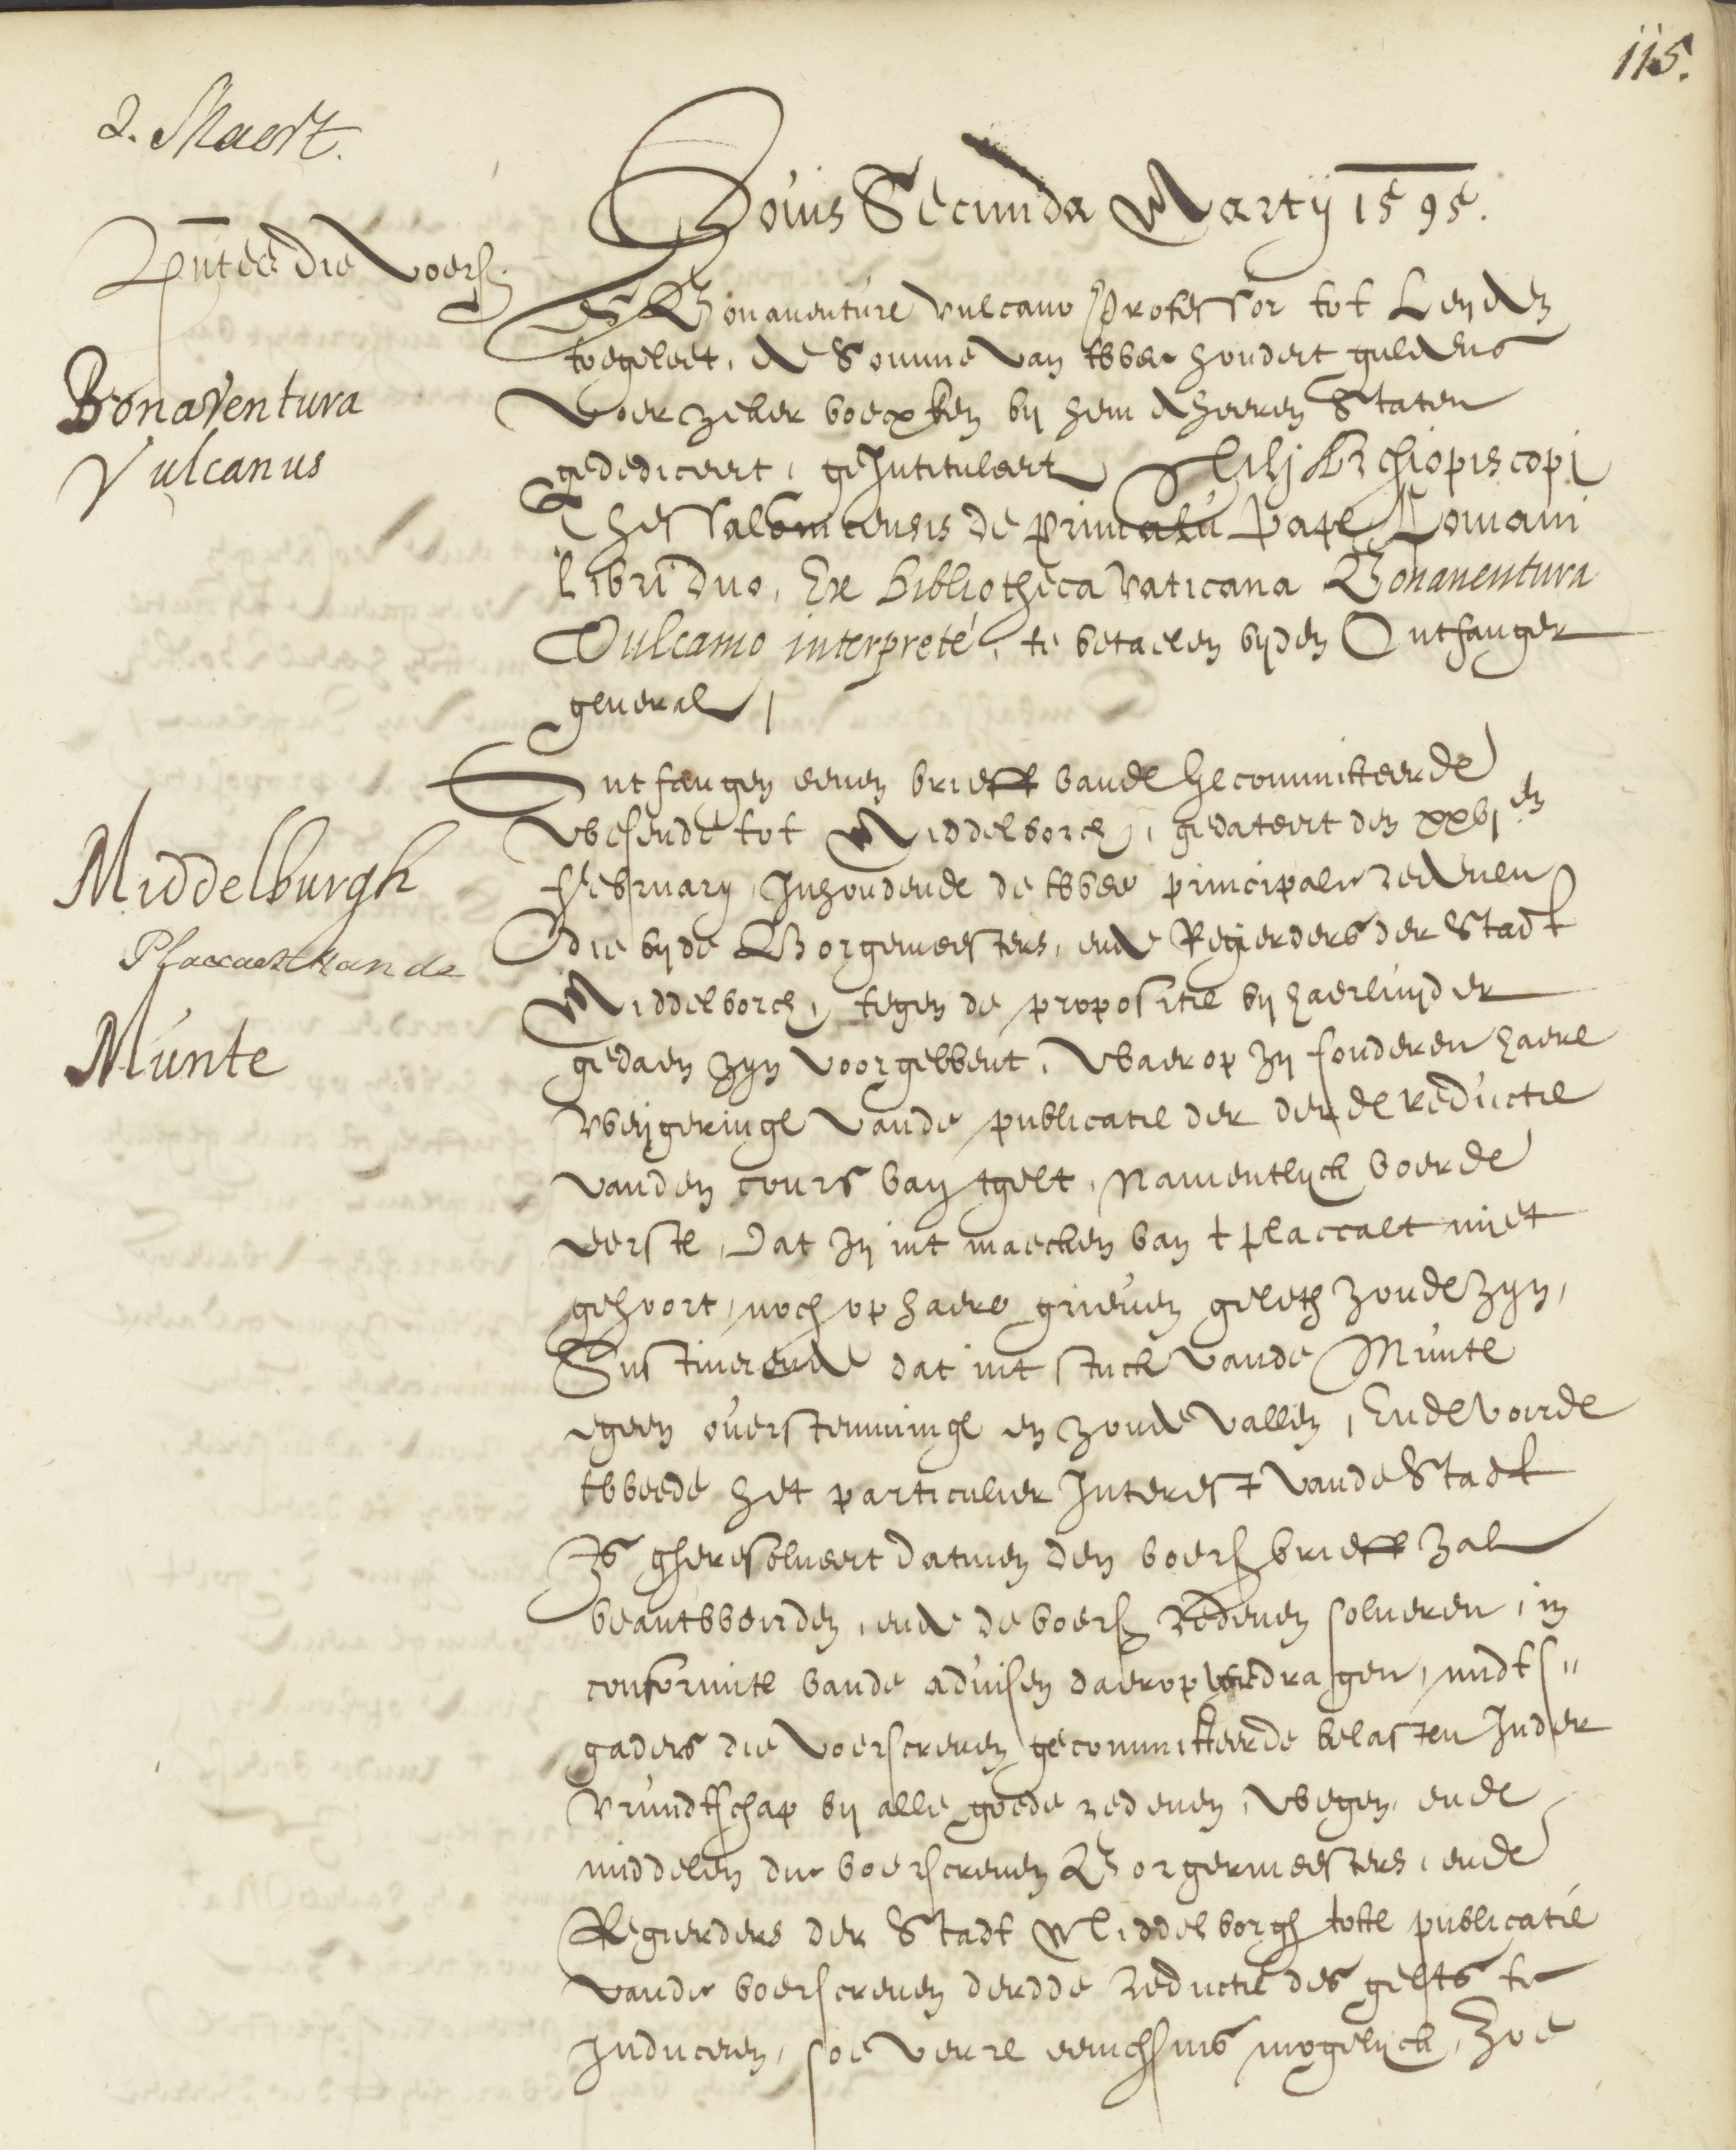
115.
2. Maert.
Iovis Secunda Martij 1595.
Putee die voers
Bonaventura
Vulcanus
es Bonaventure Vulcano Professor tot Leyden
toegeleet, de Somme van twee hondert guldens
voer zeker boecxken by hem dheeren Staten
gedediceert, geIntituleert Nili Archiopiscopi
Thessalonicensis de primatu Pape Romani
libri duo. Ex Bibliotheca Vaticana Bonaventura
Vulcanio interpreté, te betaelen byden Ontfanger
general.
Middelburgh
Placcaet van de
Munte
Ontfangen eenen brieff vande Gecommitteerde
wesende tot Middelborch, gedateert den xxxvien
february, Inhoudende de twee principale redenen
die byde Borgemeesters, ende Regierders der Stadt
Middelborch, tegen de propositie by haerluyder
gedaen zyn voorgewent. Waerop zy sonderen haere
weygeringe vande publicatie der derde reductie
vanden cours van tgelt, namentlyck voer de
eerste, dat zy int maecken van t placcaet niet
gehoort, noch op haere grieuen geleth zoude zyn,
Sustinerende dat int stuck vande Munte
egeen ouerstemminge en zoude vallen. Ende voirde
tweede het particulier Interest van de Stadt
Is gheresolveert dat men den voers brieff zal
beantwoirden, ende de voers redenen solveren, in
conformite vande aduisen daerop verdragen, midts„
gaders die voerscreven gecommitteerde belasten In der
vrundtschap by alle goede redenen, wegen, ende
middelen die voerscreven Borgermeersters, ende
Regierders der Stadt Middelborgh totte publicatie
vande voerscreven derdde reductie des gelts te
Induceren, soeverre eenichsins mogelyck, zoe
